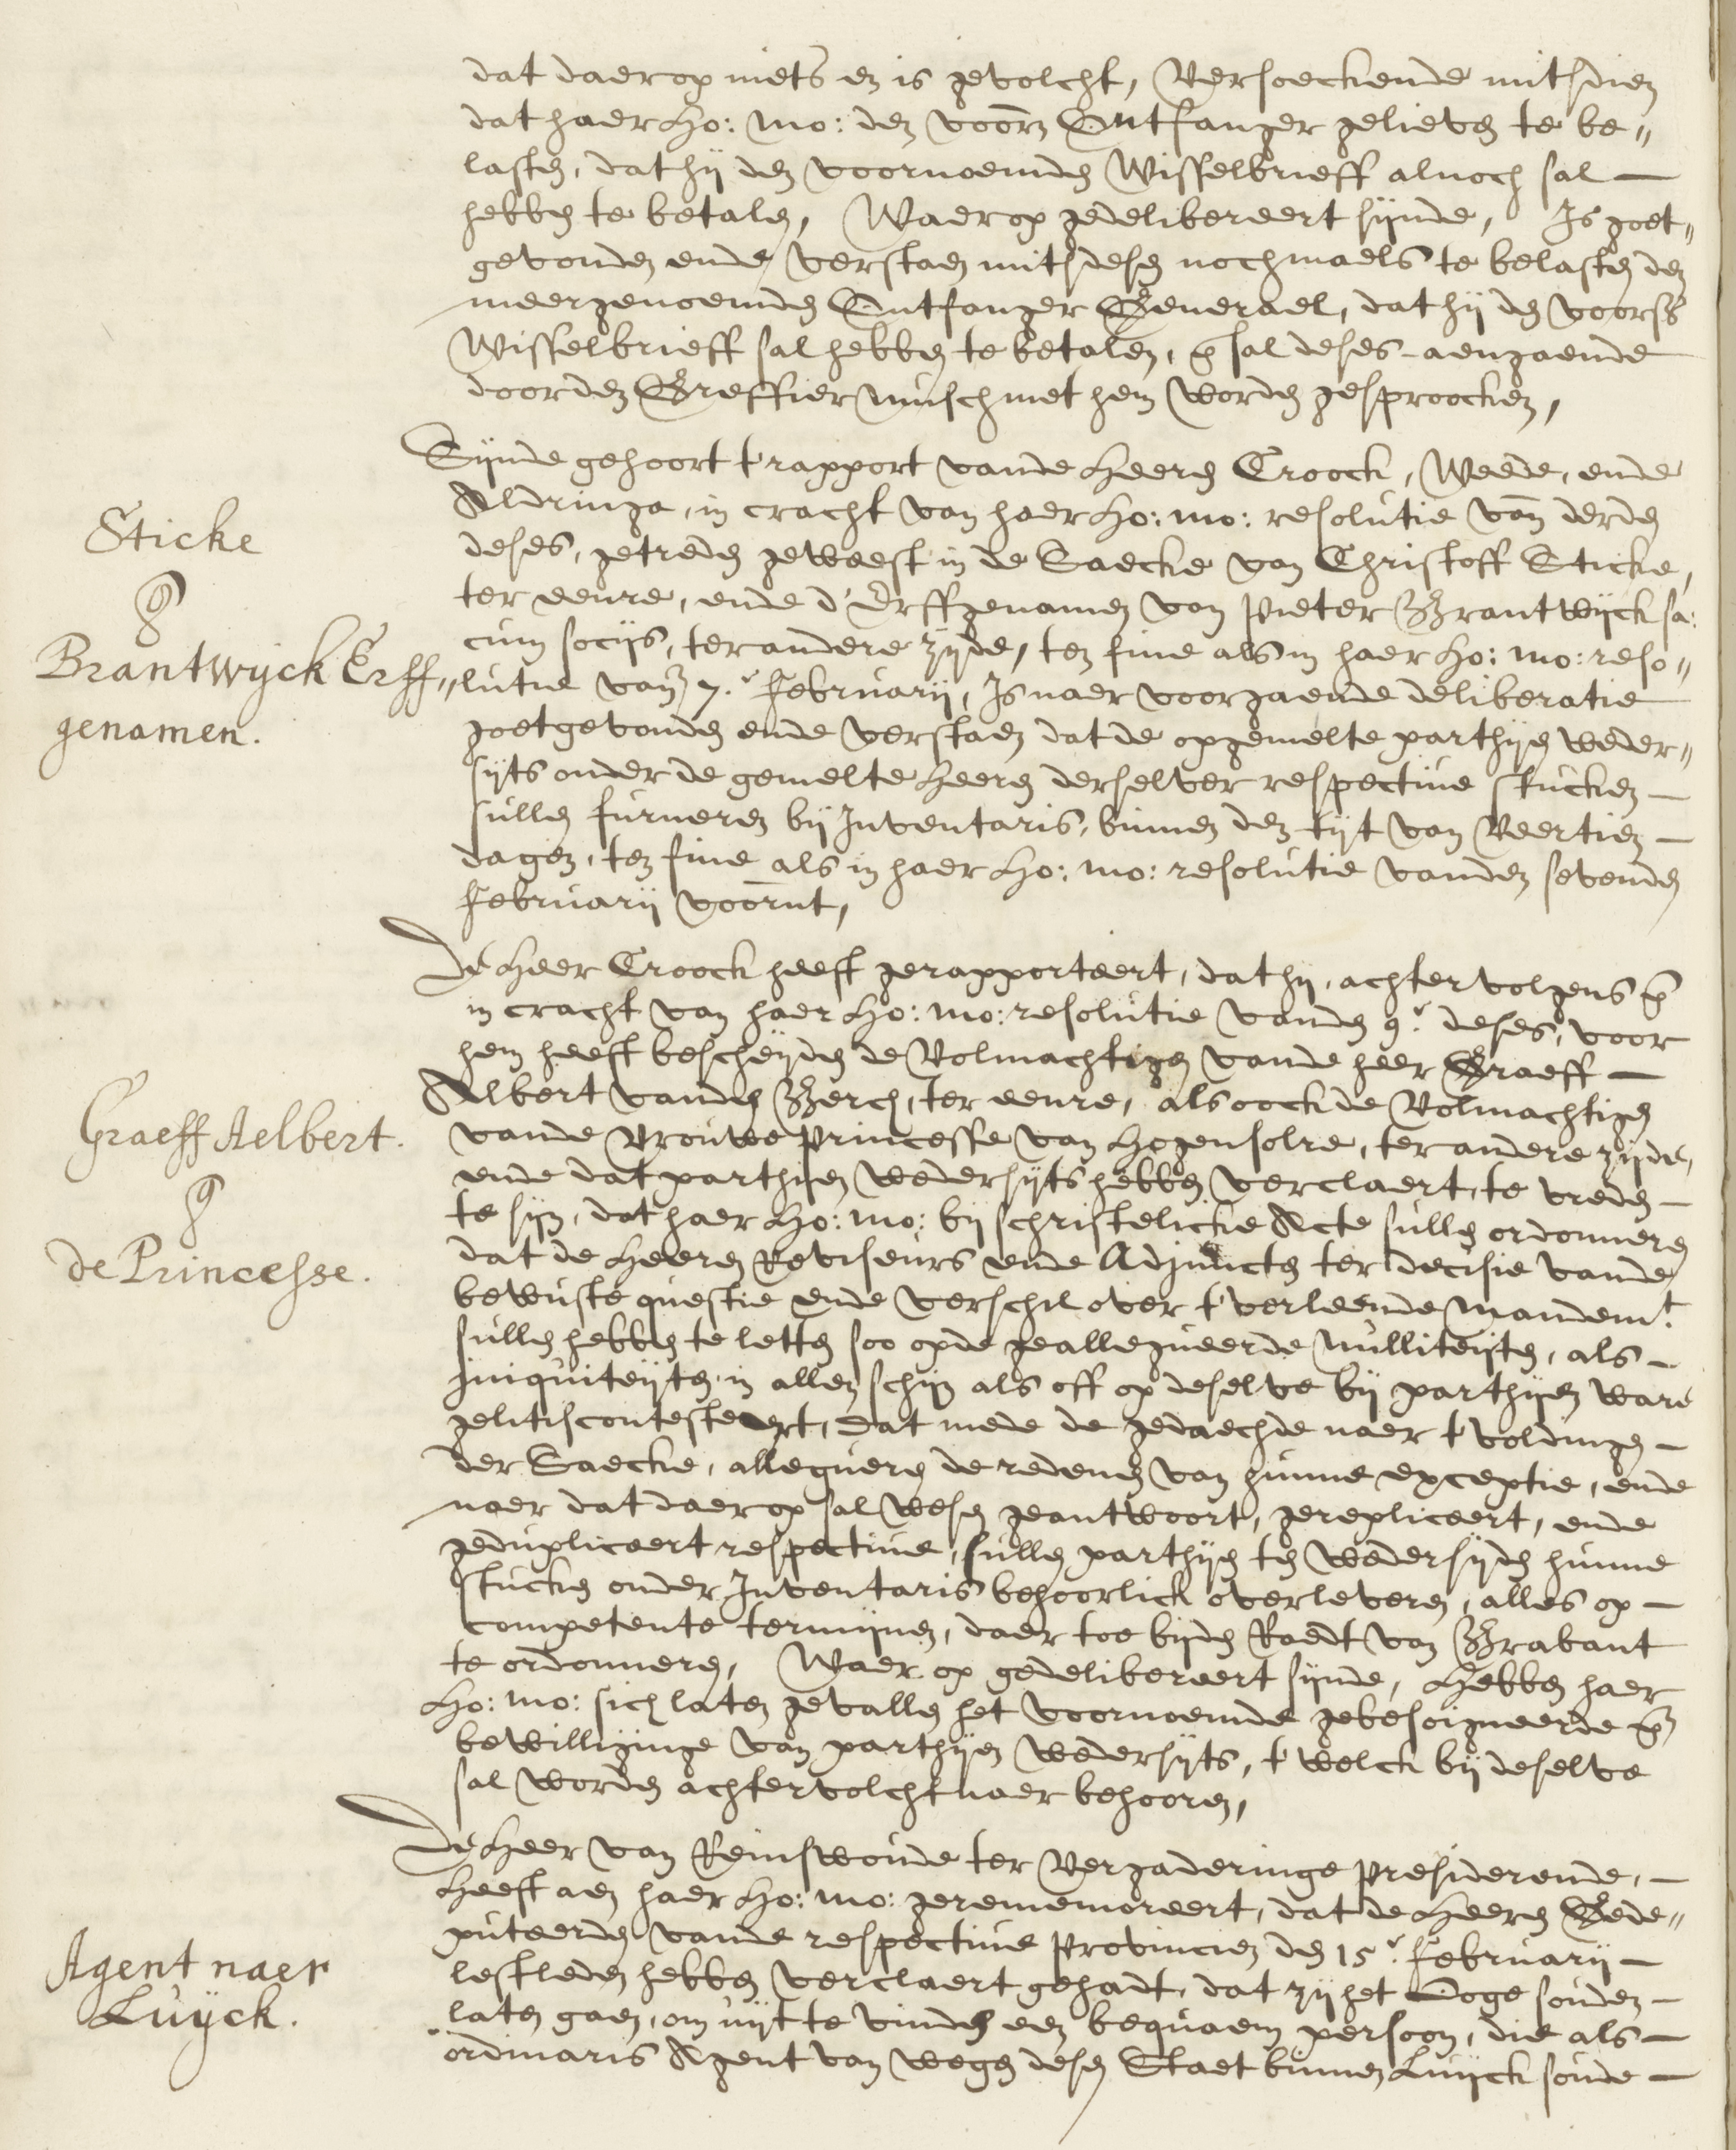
dat daerop niets en is gevolcht, versoeckende misdien
dat haer Ho:Mo: den voorn Ontfanger gelieven te be„
lasten, dat hij den voornoemden wisselbrieff alnoch sal
hebben te betalen. Waerop gedelibereert sijnde, Is goet„
gevonden ende verstaen mitsdesen nochmaels te belasten den
meergenoemden Ontfanger Generael, dat hij den voors
wisselbrieff sal hebben te betalen & sal deses aengaende
doorden Greffier Musch met hem worden gesproocken.
Sticke
ca
Brantwijck Erff„
genamen.
Sijnde gehoort t'rapport vande heeren Croock, Weede ende
Aldringa, in cracht van haer Ho:Mo: resolutie van derden
deses, getreden geweest in de Saecke van Christoff Sticke,
ter eenre, ende d'Erffgenamen van Pieter Brantwijck sa.
cum socijs, ter andere zijde, ten fine als in haer Ho:Mo: reso„
lutie vand. 7e februarij, Is naer voorgaende deliberatie
goetgevonden ende verstaen dat de opgemelte parthijen weder„
sijts onder de gemelte heeren derselver respectiue stucken
sullen furneren bij inventaris, binnen den tijt van veertien
dagen, ten fine als in haer Ho:Mo: resolutie vanden sevenden
februarij voornt.
Graeff Aelbert
ca
de Princesse
De heer Croock heeft gerapporteert, dat hij achtervolgens &
in cracht van haer Ho:Mo: resolutie vanden 9e. deses, voor
hem heeft bescheijden de volmachtigen vande heer Graeff
Albert van den Berch, ter eenre, als oock de volmachtigen
van de vrouwe princesse van Hogensolre, ter andere zijde
ende dat parthien wedersijts hebben verclaert, te vreden
te sijn, dat haer Ho:Mo: bij schriftelicke Acte sullen ordonneren
dat de heeren reviseurs ende adjuncten ter decisie vande
bewuste questie ende verschil over t'verleende mandemt.
sullen hebben te letten soo opde geallegueerde nulliteijten, als -
iniquiteijten in allen schijn als off op deselve bij parthijen ware
gelitiscontesteert, dat mede de gedaechde naer t'voldingen
der saecke, alleguere de redenen van hunne exceptie, ende
naer dat daerop sal wesen geantwoort, gerepliceert, ende
gedupliceert respectiue, sullen parthijen ten wedersijden hunne
stucken onder inventaris behoorlick overleveren, alles op
competente termijnen, daer toe bijden Raedt van Brabant
te ordonneren. Waerop gedelibereert sijnde, hebben haer
Ho:Mo: laten gevallen het voornoemde gebesoigneerde &
bewillinge van parthijen wedersijts, t'welck bij deselve
sal worden achtervolcht naer behooren.
Agent naer
Luijck
De heer Reinswoude ter vergaderinge presiderende -
heeft aen haer Ho:Mo: gerememoreert, dat de heeren Gede„
puteerden vande respectiue provincien, de 15e. februarij -
lestleden hebben verclaert gehadt, dat zij het Ooge souden
laten gaen om uijt te vinden een bequamen persoon, die als -
ordinaris Agent van wegen desen Staet binnen Luijck soude
